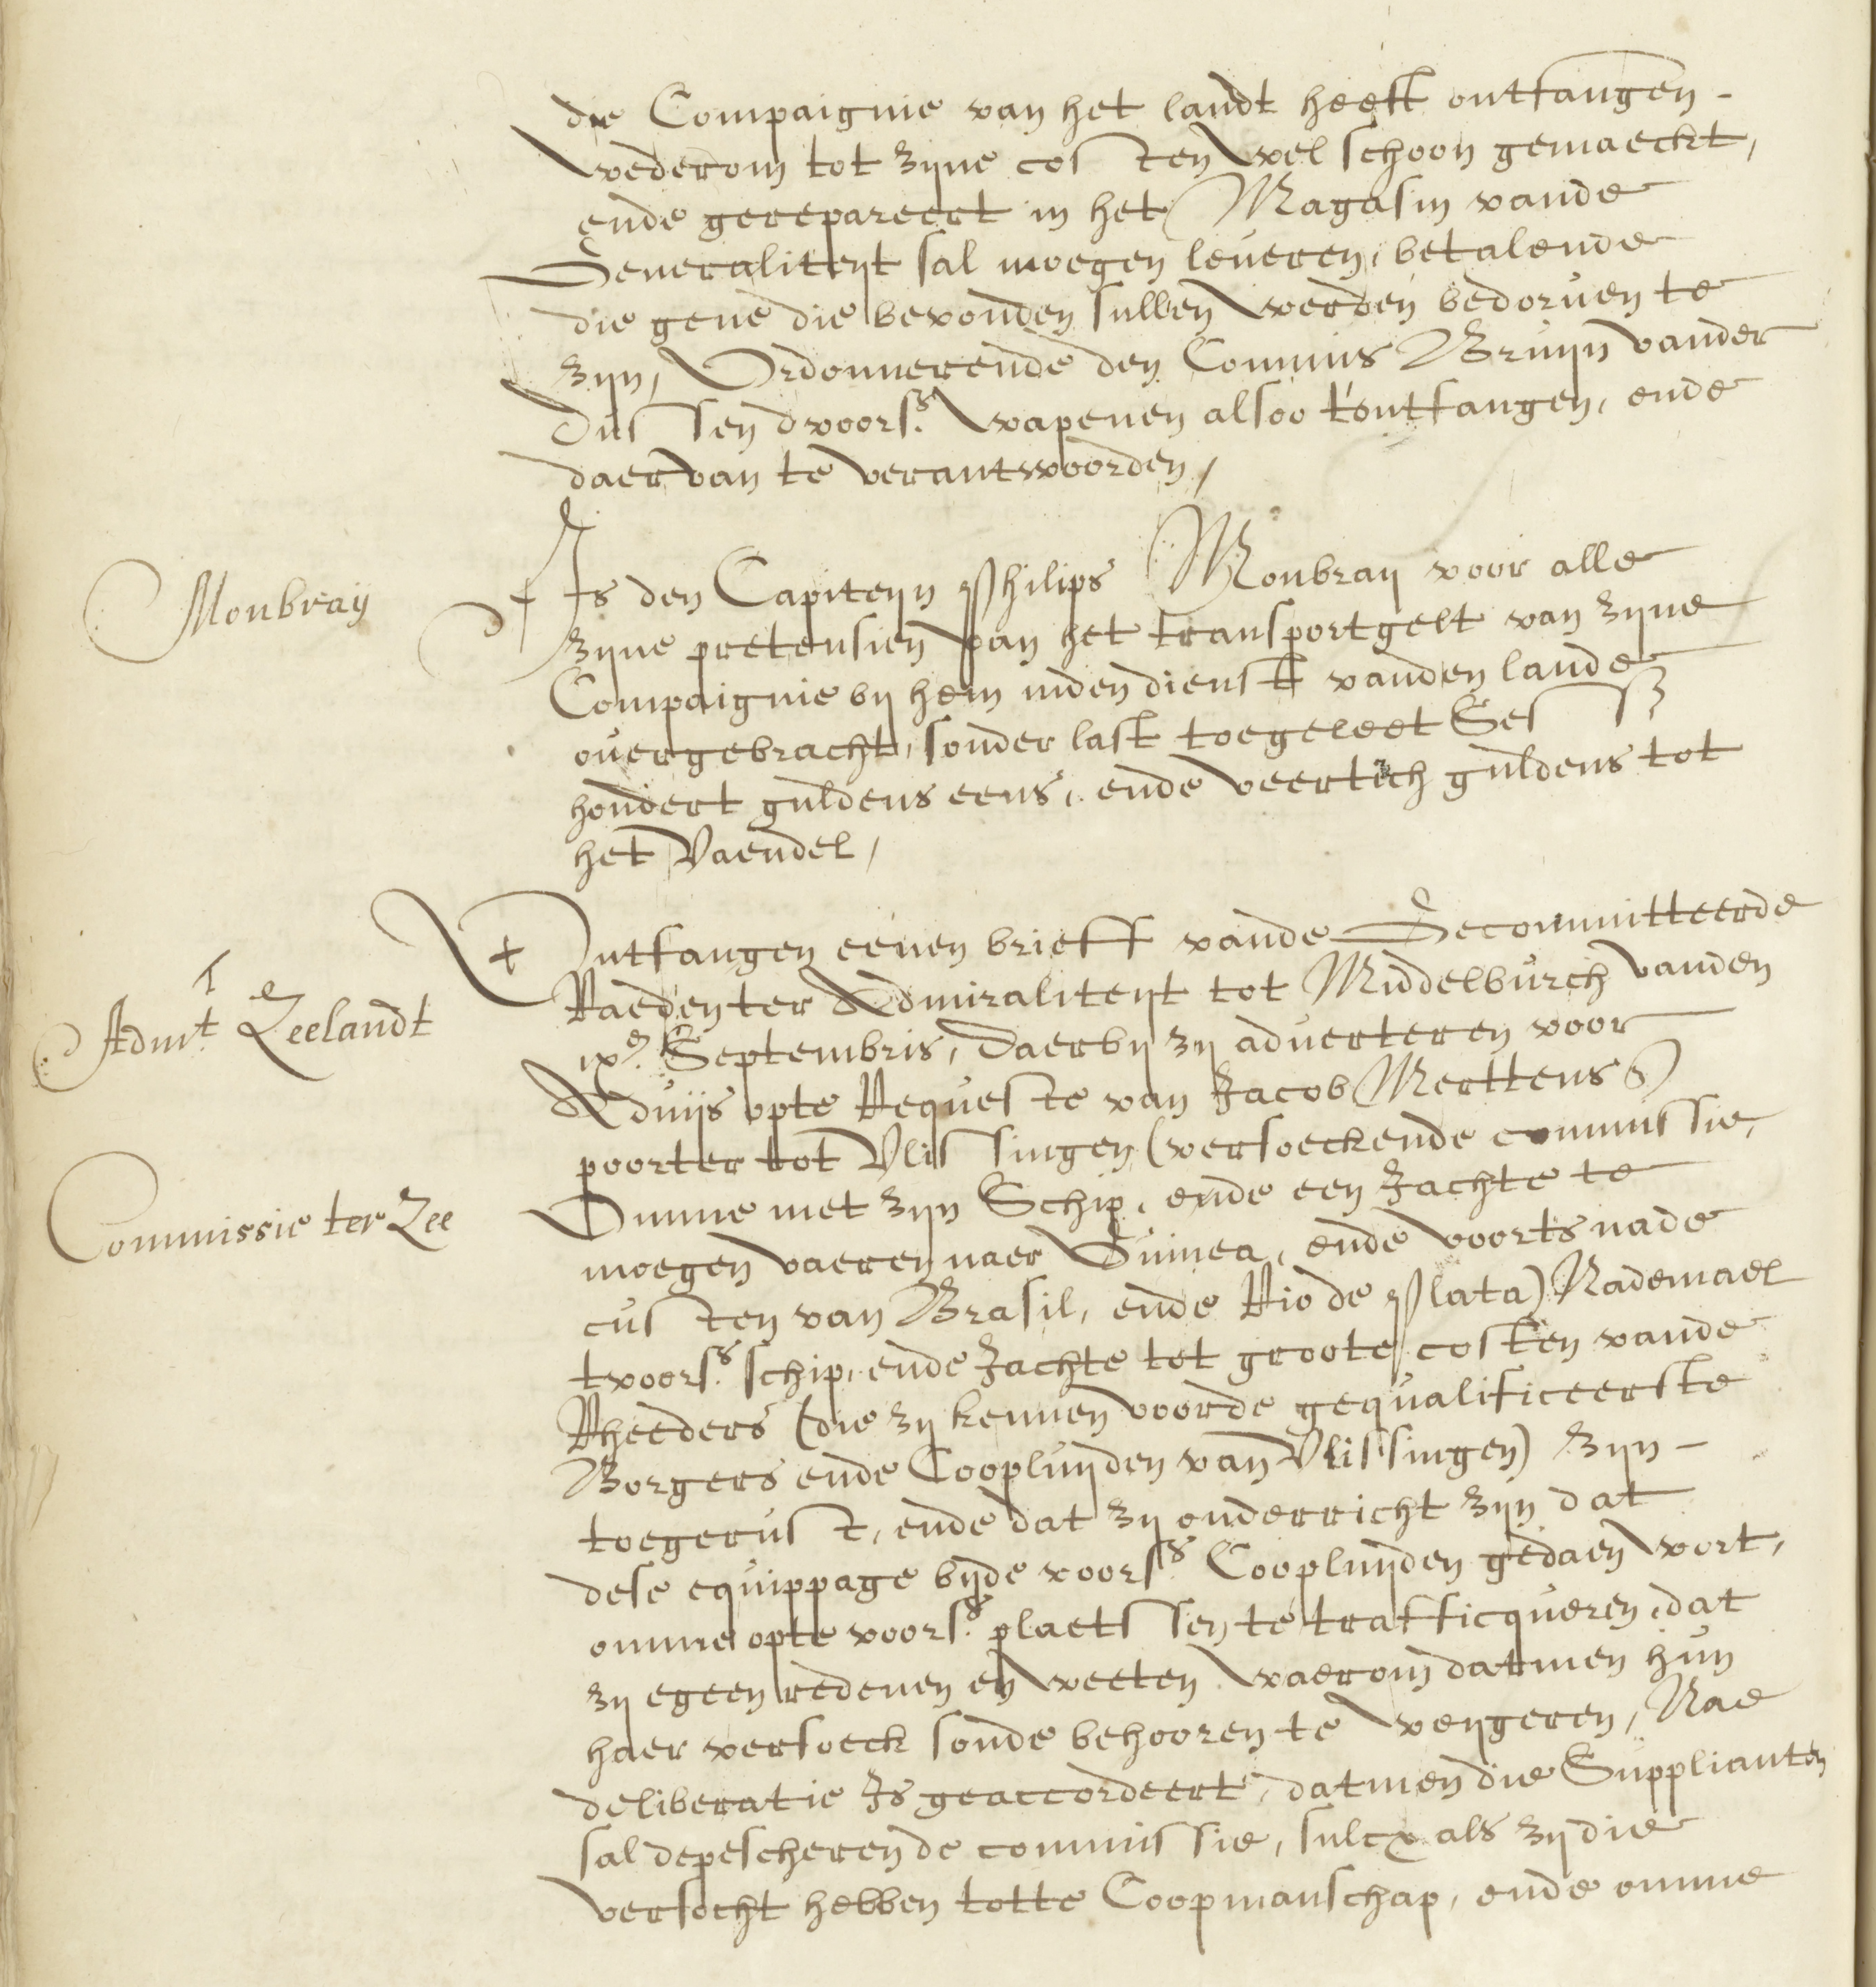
die Compaignie van het landt heeft ontfangen
wederom tot zyne costen wel schoon gemaeckt,
ende gerepareert in het Magasin vande
Generaliteyt sal moegen leueren, betalende
die gene die bevonden sullen werden bedoruen te
zyn, Ordonnerende den Commis Bruyn vander
Dussen d voors. wapenen alsoo t'ontfangen, ende
daervan te verantwoorden.
Monbraij
Is den Capiteyn Philips Mounray voor alle
zyne pretensien van het transportgelt van zyne
Compaignie by hem inden dienst vanden lande
ouergebracht, sonder last toegeleet Sess
hondert guldens eens, ende veertich guldens tot
het Vaendel.
Admt. Zeelandt
Commissie ter Zee
Ontfangen eenen brieff vande Gecommitteerde
Raeden ter Admiraliteyt tot Middelburch vanden
ixen. Septembris, daerby zy aduerteren voor
Aduijs opte Requeste van Jacob Merttenss
poorter tot Vlissingen (versoeckende commissie
Omme met zyn Schip, ende een Jachte te
moegen vaeren naer Guinea, ende voorts nade
custen van Brasil, ende Rio de Plata) Nademael
t voors. schip, ende Jachte tot groote costen vande
Rheeders (die zy kennen voorde gequalificeerste
Borgers ende Coopluyden van Vlisisingen) zyn -
toegerust, ende dat zy onderricht zyn dat
dese equippage byde voors. Coopluyden gedaen wort,
omme opte voors. plaetssen te trafficqueren, dat
zy egeen redenen en weeten waerom datmen hun
haer versoeck soude behooren te weygeren. Nae
deliberatie Is geaccordeert, datmen die Supplianten
sal depescheren de commissie, sulcx als zy die
versocht hebben totte Coopmanschap, ende omme
